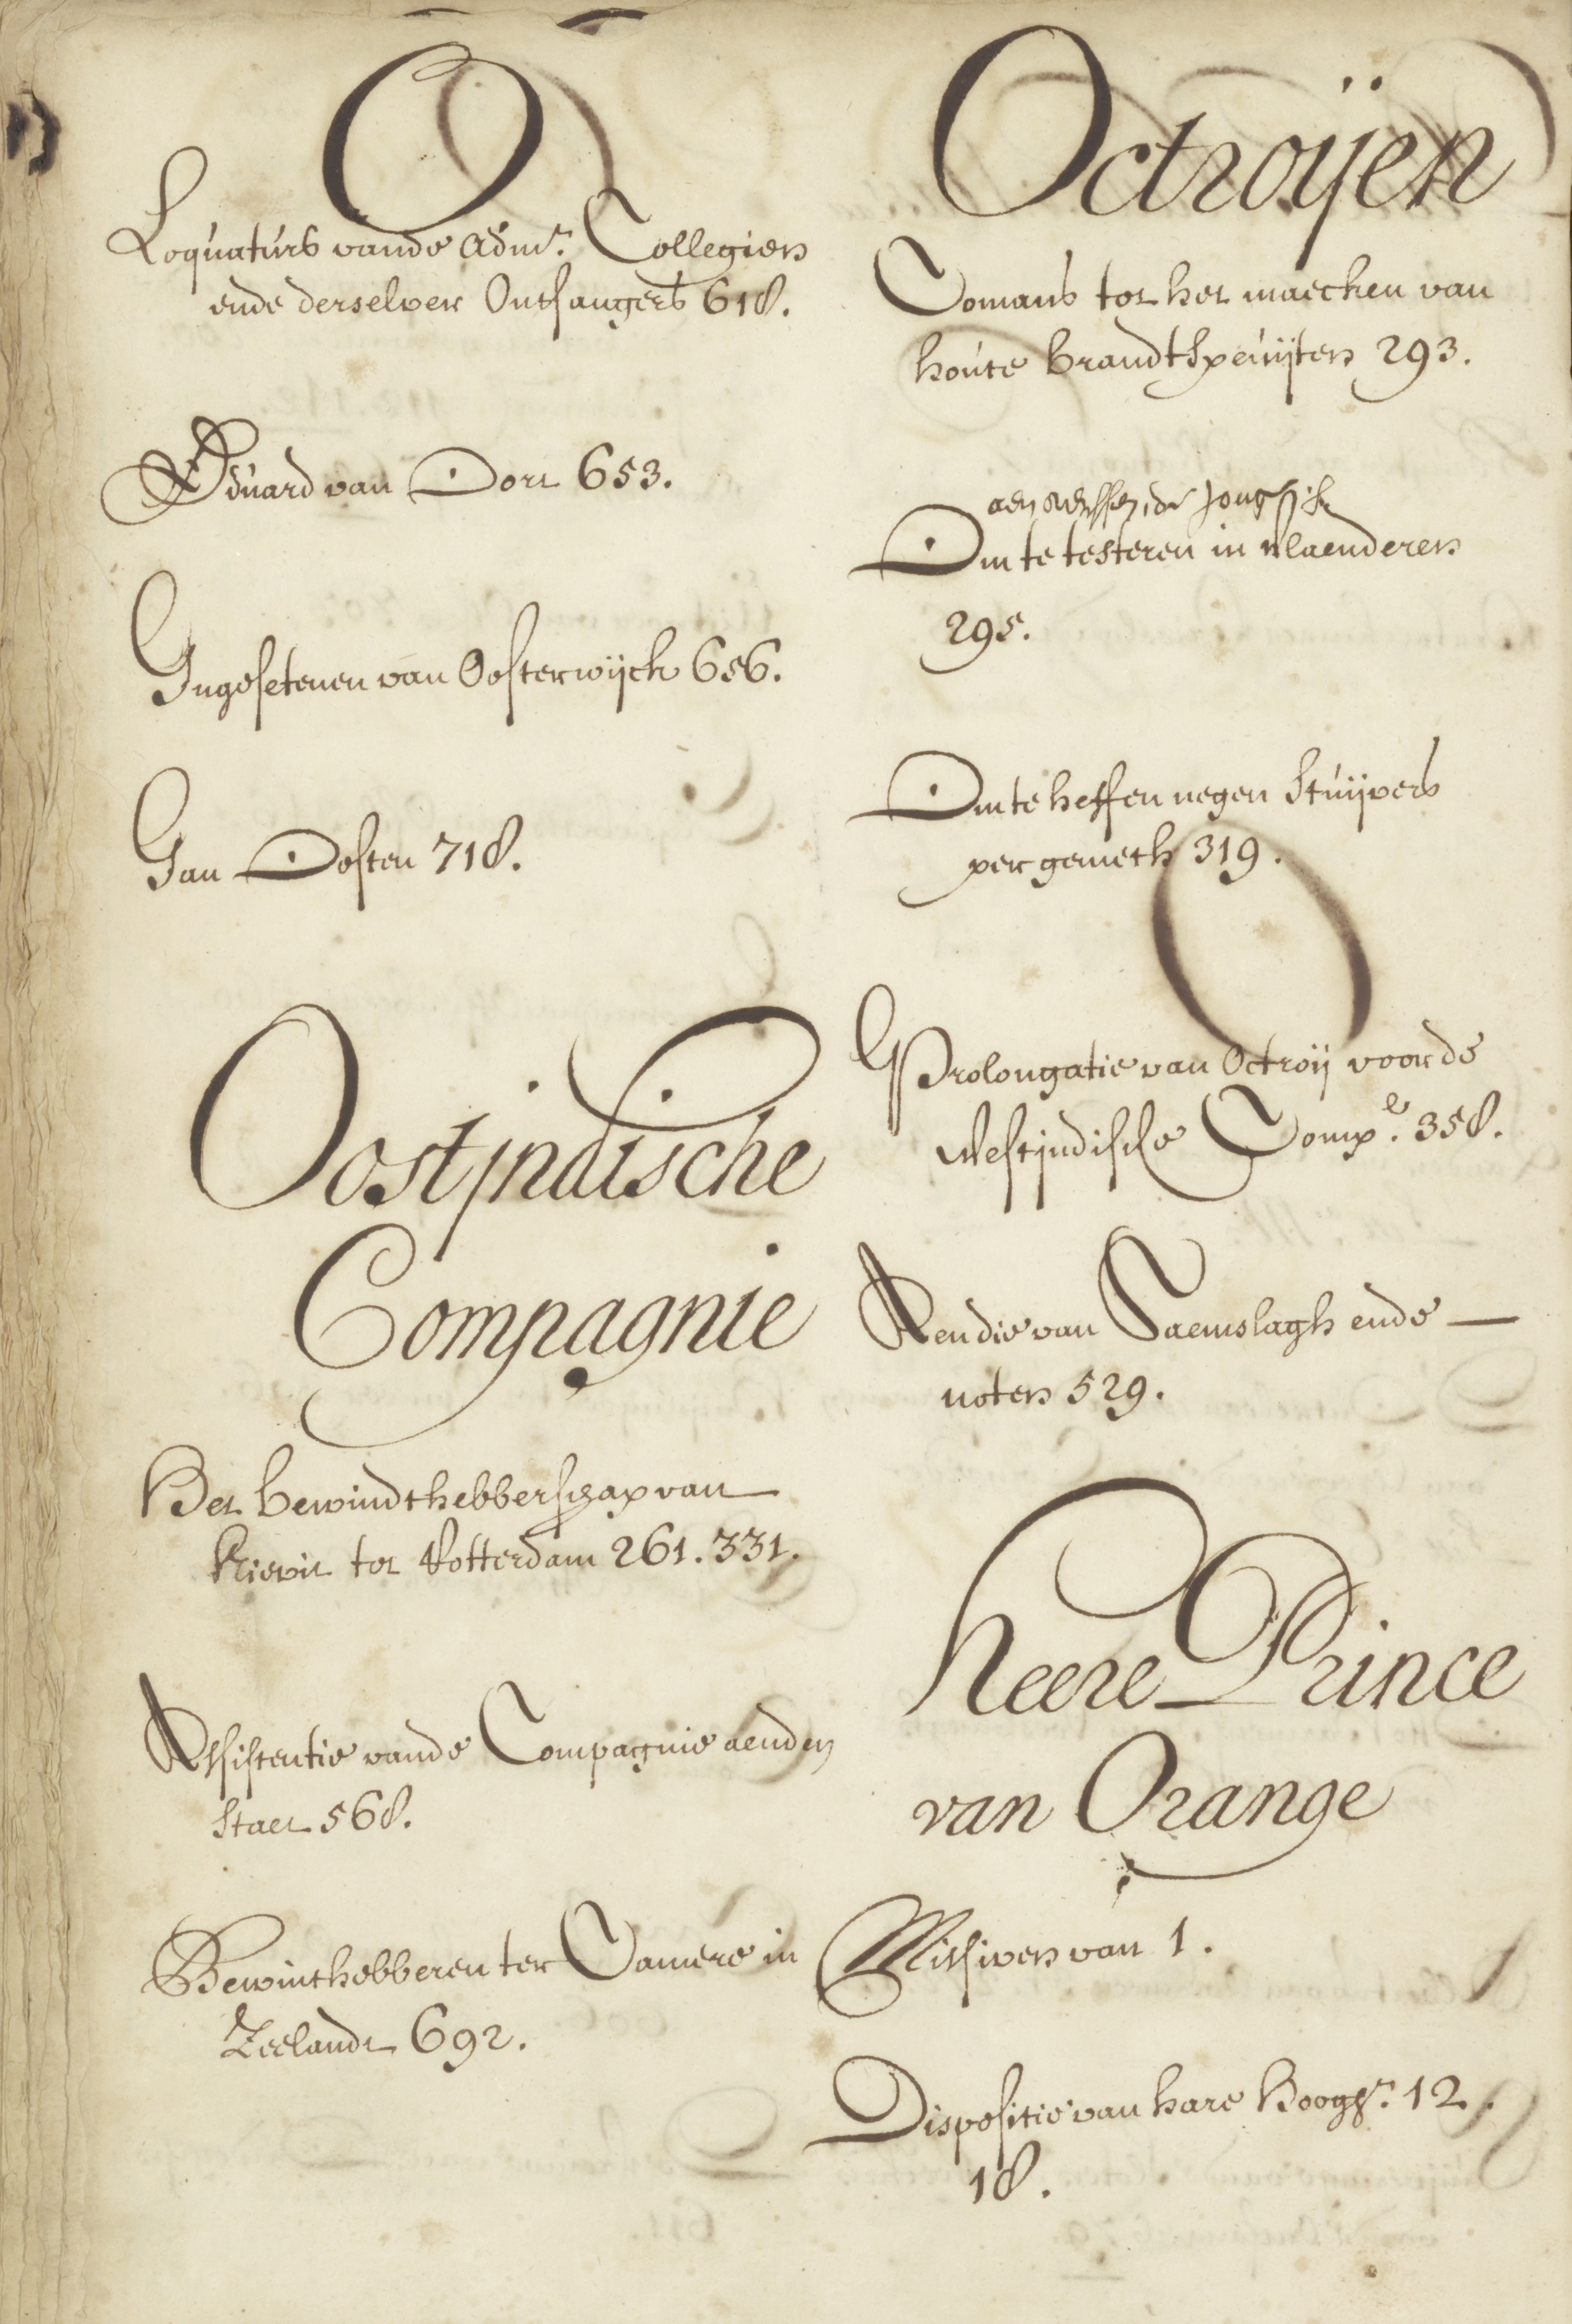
O
Loquaturs vande Admt. Collegien
ende derselver Ontfangers 618.
Eduard van Oort 653.
Ingesetenen van Oosterwijck 656.
Jan Oosten 718.
Oostindische
Compagnie
Het bewindthebberschap van
Kievit tot Rotterdam 261, 331.
Assistentie vande Compagnie aenden
Staet 568.
Bewinthebberen ter Camere in
Zeelandt 692.
Octroijen
Comans tot het maecken van
houte brandtspeuijten 293.
aen aerssen, de jonge
Om te testeren in Vlaenderen,
295.
Om te heffen negen Stuijvers
per gemeth 319.
Prolongatie van Octroij voor de
westindische Compe. 358.
Aen die van Saemslagh ende
noten 529.
Heere Prince
van Orange
Missiven van 1.
Dispositie van hare Hooght .12,
18.
